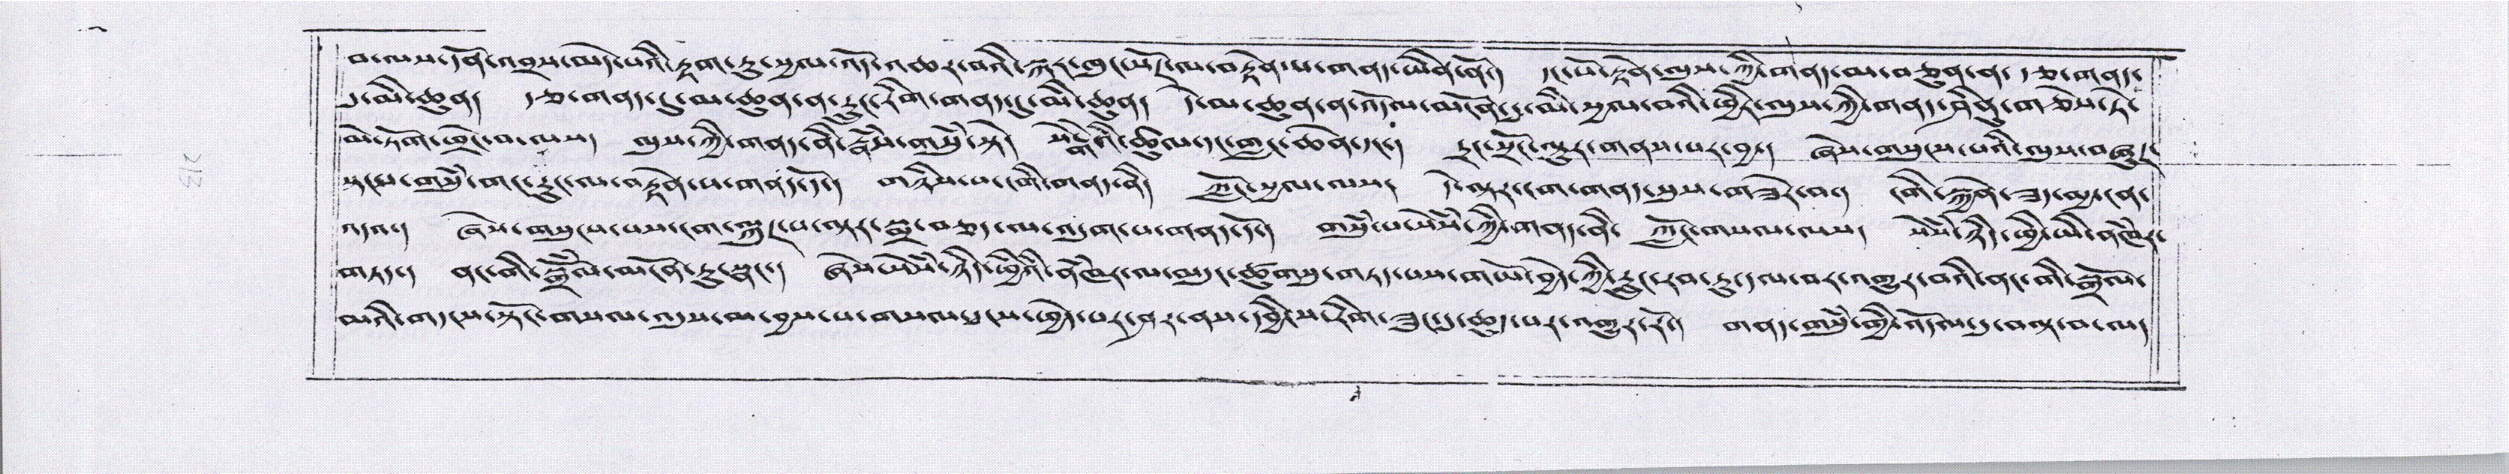བ་ལས་དོན་འབྲས་མེད་པས་རྟག་ཏུ་གསལ་འོད་འཆར་བའི་སྐར་ཁུང་སོགས་ལ་བརྟེན་པ་གནད་ཡིན་ནོ། དང་པོ་རྟེན་ལུས་ཀྱི་གནད་མ་གཅུན་ན་རྩ་གནད་དུ་མི་གཅུན། རྩ་གནད་
དུ་མ་ཆུན་ན་རླུང་རིག་གནད་དུ་མི་འཆུན། དེ་མ་འཆུན་ན་འོད་གསལ་མངོན་དུ་མི་གསལ་བའི་ཕྱིར་ལུས་ཀྱི་གནད་ཤིན་ཏུ་གཅེས་ཏེ། 
མེ་ཏོག་ཕྲེང་བ་ལས། ལུས་ཀྱི་གནད་ནི་རྣམ་གསུམ་སྟེ། སེང་གེའི་ཚུལ་དང་གླང་ཆེན་དང་། དྲང་སྲོང་ལྟ་བུར་གནས་པར་བྱ། ཞེས་གསུངས་པའི་ལུས་བཞུགས་
སྟངས་གསུམ་གང་རུང་ལ་བརྟེན་པ་གནད་དོ། གཉིས་པ་ངག་གི་གནད་ནི། ཀློང་གསལ་ལས། དེ་ལྟར་ངག་གནད་སུས་གཟེར་བ། ངག་གི་རྐྱེན་ཟད་མྱ་ངན་
འདའ། ཞེས་གསུངས་པས་ངག་ལྐུགས་པ་ལྟར་སྨྲ་བཅད་ལ་འདུག་པ་གནད་དོ། གསུམ་པ་སེམས་ཀྱི་གནད་ནི། ཀློང་གསལ་ལས། སེམས་ཉིད་ཕྱི་ཡི་ནམ་མཁར་
གཏད། ནང་གི་སྒྲོལ་མ་མངོན་དུ་སྣང་། ཞེས་སེམས་ཉིད་ཕྱི་ཡི་ནམ་མཁའ་ལ་མདུང་ཚུགས་སུ་གཏད་པས། གཡོ་བྱེད་ཀྱི་རླུང་ཤིན་ཏུ་དལ་བར་འགྱུར་བས་ནང་གི་སྒྲོལ་
མའི་གདངས་སྟོང་གསལ་འདུས་མ་བྱས་པ་སྟོང་གསལ་ཕྱེད་པར་ཤར་ནས་དབྱིངས་རིག་ཟུང་དུ་ཆུད་པར་འགྱུར་རོ། གནད་གསུམ་གྱི་འོད་གསལ་དུ་བལྟ་བ་ལ།